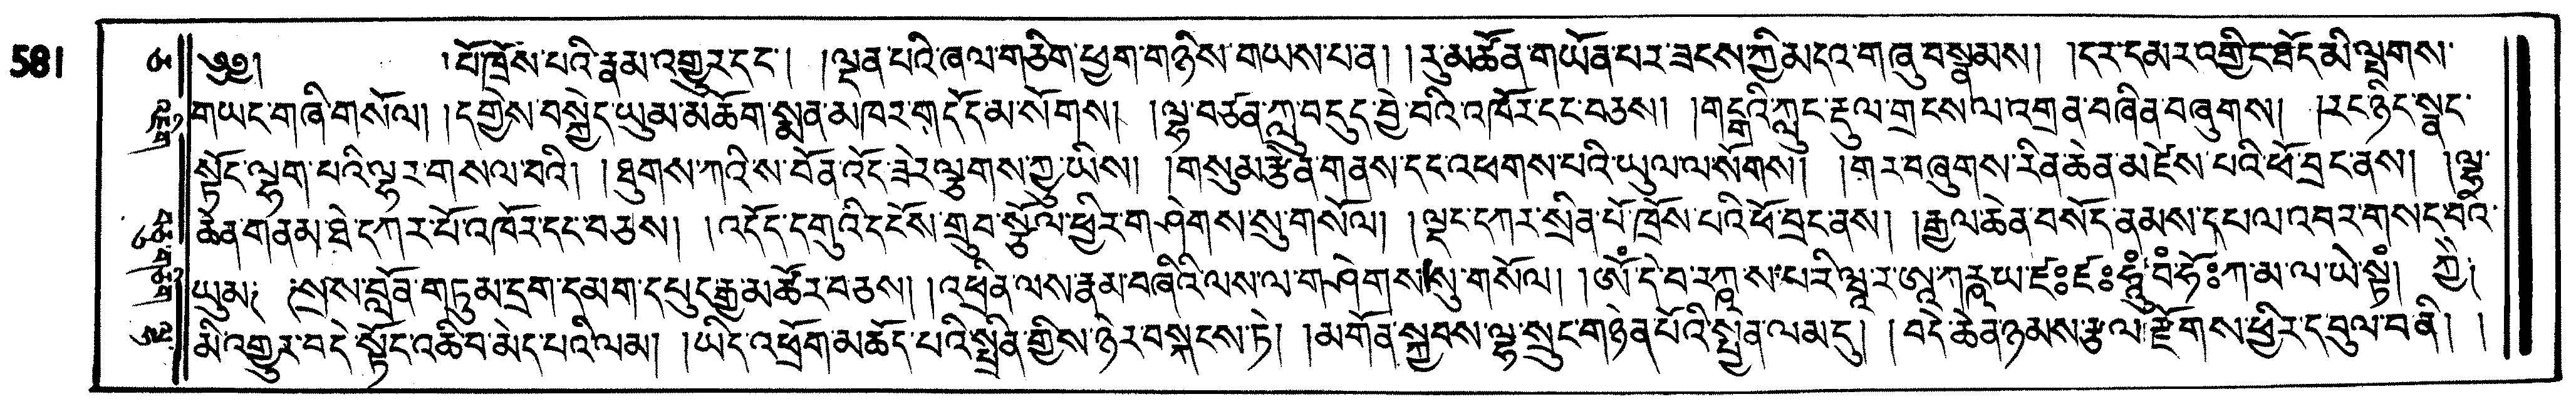༄༅། །པོ་ཁྲོས་པའི་རྣམ་འགྱུར་དང་། །ལྡན་པའི་ཞལ་གཅིག་ཕྱག་གཉིས་གཡས་པ་ན། །རུ་མཚོན་གཡོན་པར་ཟངས་ཀྱི་མདའ་གཞུ་བསྣམས། །དར་དམར་འགྱིང་ཐོད་མི་ལྤགས་
གཡང་གཞི་གསོལ། །དགྱེས་བསྐྱེད་ཡུམ་མཆོག་སྨན་མཁར་གདོད་མ་སོགས། །ལྷ་བཙན་ཀླུ་བདུད་བྱེ་བའི་འཁོར་དང་བཅས། །གངྒའི་ཀླུང་རྡུལ་གྲངས་ལ་འགྲེན་བཞིན་བཞུགས། །རང་ཉིད་སྣང་
སྟོང་ལྷག་པའི་ལྷར་གསལ་བའི། །ཐུགས་ཀའི་ས་བོན་འོད་ཟེར་ལྕགས་ཀྱུ་ཡིས་།གསུམ་རྩེན་གནས་དང་འཕགས་པའི་ཡུལ་ལ་སོགས། །གར་བཞུགས་རིན་ཆེན་མཛེས་པའི་ཕོ་བྲང་ནས། །ལྷ་
ཆེན་གནམ་ཐེ་དཀར་པོ་འཁོར་དང་བཅས། །འདོད་དགུའི་དངོས་གྲུབ་སྩོལ་ཕྱིར་གཤེགས་སུ་གསོལ། །ལྡང་དཀར་སྲིན་པོ་ཁྲོས་པའི་ཕོ་བྲང་ནས། །རྒྱལ་ཆེན་བསོད་ནམས་དཔལ་འབར་གསང་བའི་ཡུམ༑ ༑སྲས་བློན་གཏུམ་དྲག་དམག་དཔུང་རྒྱ་མཚོར་བཅས། །འཕྲིན་ལས་རྣམ་བཞིའི་ལས་ལ་གཤེགས་སུ་གསོལ། །ཨོཾ་དེ་བ་རཀྵ་ས་པ་རི་ཝཱ་ར་ཨཱ་ཀརྵ་ཡ་ཛཿཛཿཧཱུཾ་བཾ་ཧོཿཀ་མ་ལ་ཡེ་སྟཾ། ཀྱཻ༑
མི་འགྱུར་བདེ་སྟོང་འཆི་བ་མེད་པའི་ལམ། །ཡིད་འཕྲོག་མཆོད་པའི་སྤྲིན་གྱིས་ཉེར་བསྐངས་ཏེ། །མགོན་སྐྱབས་ལྷ་སྲུང་གཉེན་པོའི་སྤྱན་ལམ་དུ། །བདེ་ཆེན་ཉམས་རྩལ་རྫོགས་ཕྱིར་དབུལ་བ་ནི། །